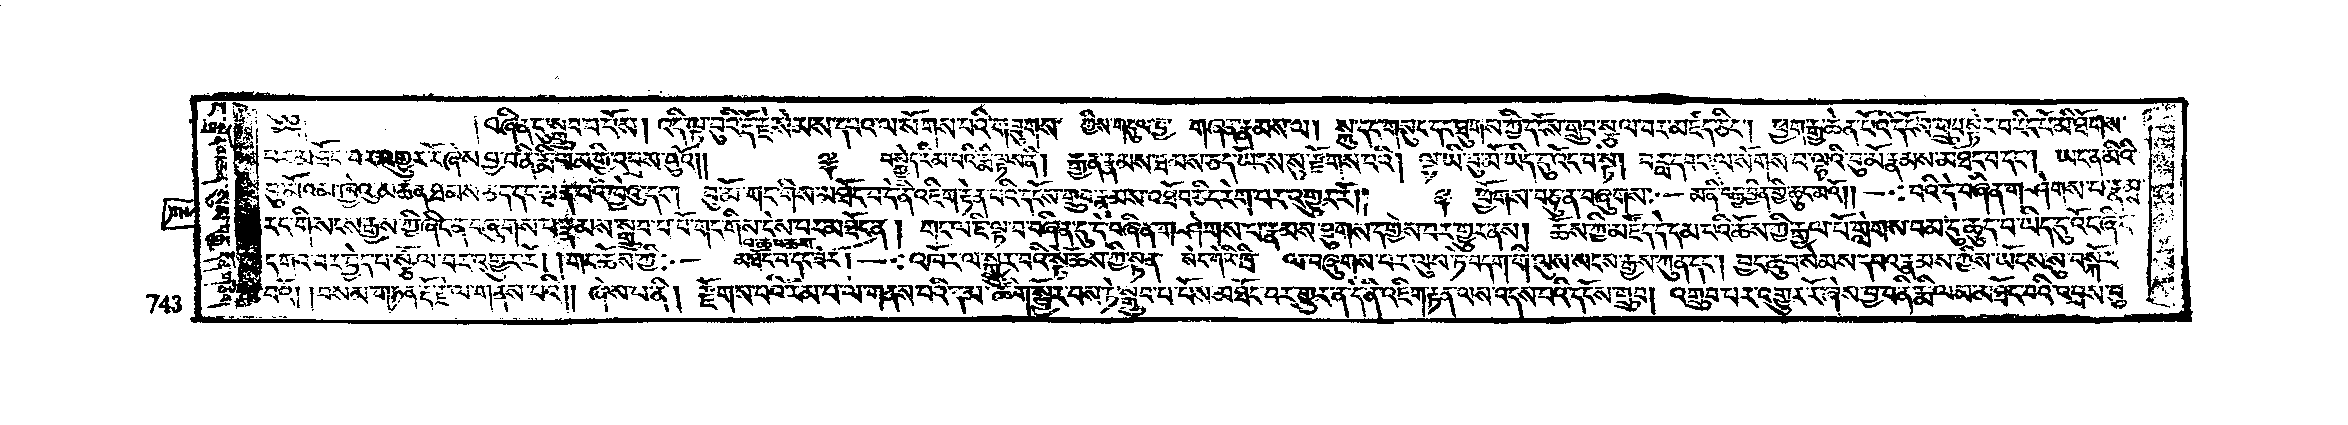༄༅། །བཞིན་དུ་སྒྲུབ་པ་པོས། འདི་ལྟ་བུའི་རྡོ་རྗེ་སེམས་དཔའ་ལ་སོགས་པའི་གཟུགས་ཀྱིས་གདུལ་བྱ་གཞན་རྣམས་ལ། སྐུ་དང་གསུང་དང་ཐུགས་ཀྱི་དངོས་གྲུབ་སྩེལ་བར་མཛད་ཅིང་། ཕྱག་རྒྱ་ཆེན་པོའི་དངོས་གྲུབ་སྟེར་བ་རིང་པོ་མི་ཐོགས་
བར་མཐོང་བར་འགྱུར་རོ་ཞེས་བྱ་བ་ནི་རྨི་ལམ་གྱི་འབྲས་བུའོ།། ༈ བསྐྱེད་རིམ་པའི་རྨི་ལྟས་ནི། རྒྱན་རྣམས་ཐམས་ཅད་ཡོངས་སུ་རྫོགས་པའི། ལྷ་ཡི་བུ་མོ་ཡིད་དུ་འོང་བ་སྟེ། བརླ་དབང་ལ་སོགས་པ་ལྷའི་བུ་མོ་རྣམས་མཐོང་བ་དང་། ཡང་ན་མིའི་
བུ་མོའོའམ་ཁྱེའུ་མཚན་ཐམས་ཅད་དང་ལྡན་པའི་ཁྱེའུ་དང་། བུ་མོ་གང་གིས་མཐོང་བ་དེ་ནི་འཇིག་རྟེན་པའི་དངོས་གྲུབ་རྣམས་འཐོབ་ཅིང་རེག་པར་འགྱུར་རོ།། ༈ ཕྱོགས་བཅུ་ན་བཞུགས་H.་མི་ནི་བརྒྱ་བྱིན་གྱི་ཆུང་མའོ།། .H བའི་དེ་བཞིན་གཤེགས་པ་རྣམས་
རང་གི་སངས་རྒྱས་ཀྱི་ཞིང་ན་བཞུགས་པ་རྣམས་སྒྲུབ་པ་པོ་གང་གིས་ངེས་པར་མཐོང་ན། གང་ལ་ཇི་ལྟ་བ་བཞིན་དུ་དེ་བཞིན་གཤེགས་པ་རྣམས་ཐུགས་དགྱེས་པར་གྱུར་ནས། ཆོས་ཀྱི་མཛོད་དེ་དམ་པའི་ཆོས་ཀྱི་རྒྱལ་པོ་གླེགས་བམ་དུ་ཆུད་པ་ཡིད་དུ་འོང་ཞིང་
དགའ་བར་བྱེད་པ་སྩོལ་བར་འགྱུར་རོ། །གང་ཆོས་ཀྱི་H.་པ་ཚབ་པ་ཆག་མཐོང་བ་དང་ཟེར། .H འཁོར་ལ་སྒྱུར་བའི་སྟེ་ཆོས་ཀྱི་སྟན་སེང་གེའི་ཁྲི་ལ་བཞུགས་པར་ལུས་ཏེ་བདག་གི་ལུས་སངས་རྒྱས་ཀུན་དང་། བྱང་ཆུབ་སེམས་དཔའ་རྣམས་ཀྱིས་ཡོངས་སུ་བསྐོར་
བའོ། །བསམ་གཏན་རྡོ་རྗེ་ལ་གནས་པའི།། ཞེས་པ་ནི། རྫོགས་པའི་རིམ་པ་ལ་གནས་པའི་དམ་ཚིག་སྦྱོར་བས་ཏེ་སྒྲུབ་པ་པོས་མཐོང་བར་གྱུར་ན་དེ་ནི་འཇིག་རྟན་ལས་འདས་པའི་དངོས་གྲུབ། འགྲུབ་པར་འགྱུར་རོ་ཞེས་བྱ་བ་ནི་རྨི་ལམ་མཐོང་བའི་འབྲས་བུ་